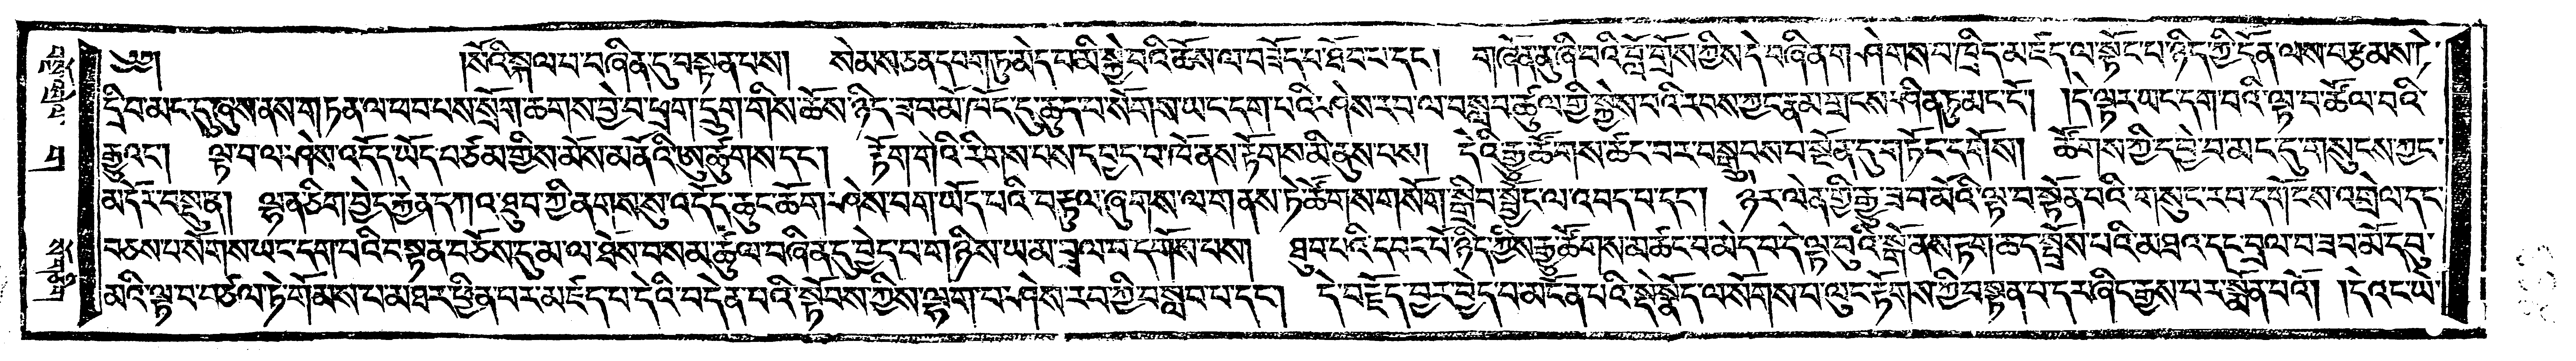༄༅། །སོའི་སྐལ་པ་བཞིན་དུ་བསྟན་པས། སེམས་ཅན་དཔག་ཏུ་མེད་པ་མི་སྐྱེ་བའི་ཆོས་ལ་བཟོད་པ་ཐོབ་པ་དང་། གཞོན་ནུ་ཞི་བའི་བློ་གྲོས་ཀྱིས་དེ་བཞིན་གཤེགས་པ་ཁྲིད་མཛད་ལ་སྟོང་པ་ཉིད་ཀྱི་དོན་ལས་བརྩམས་ཏེ་
དྲི་བ་མང་དུ་ཞུས་ནས་གཏན་ལ་ཕབ་པས་སྲོག་ཆགས་བྱེ་བ་ཕྲག་དྲུག་གིས་ཆོས་ཉིད་ཟབ་མོ་ཁོང་དུ་ཆུད་པ་སོགས་ཡང་དག་པའི་ཤེས་རབ་ལ་བསླབ་ཚུལ་གྱི་སྐྱེས་པའི་རབས་ཀྱང་རྣམ་གྲངས་ཤིན་ཏུ་མང་ངོ། །དེ་ལྟར་ཡང་དག་བའི་ལྟ་བ་ཚོལ་བའི་
རྒྱུའང་། ལྟ་བ་ལ་ཤེས་འདོད་ཡོད་པ་ཙམ་གྱིས་མེས་མནོའི་ཨུ་ཚུགས་དང་། རྟོག་གེའི་རིགས་པས་དཔྱད་པ་ཁོ་ནས་རྟོགས་མི་ནུས་པས། དེའི་རྒྱུ་ཚོགས་ཚང་བར་བསྒྲུབས་བ་སྔོན་དུ་གཏོང་དགོས། ཚོགས་ཀྱི་དབྱེ་བ་མང་དུ་གསུངས་ཀྱང་
མདོར་བསྡུ་ན། ལྷན་ཅིག་བྱེད་རྐྱེན་དཀའ་ཐུབ་ཀྱི་ནགས་སུ་འདོད་ཆུང་ཆོག་ཤེས་བག་ཡོད་པའི་བརྟུལ་ཞུགས་ལ་གནས་ཏེ་ཚོགས་གསོག་སྒྲིབ་སྦྱོང་ལ་འབད་བ་དང་། ཉེར་ལེན་གྱི་རྒྱུ་ཟབ་མོའི་ལྟ་བ་སྟོན་པའི་གསུང་རབ་དགོངས་འགྲེལ་དང་
བཅས་བསོག་ཡང་དག་བའི་བསྟན་བཅོས་སུ་མ་ལ་ཐོས་བསམ་ཚུལ་བཞིན་དུ་བྱེད་པ་གཉིས་ཡ་མ་བྲལ་བ་དགོས་པས། ཐུབ་པའི་དབང་པོ་ཉིད་ཀྱིས་རྒྱུ་ཚོགས་མ་ཚང་བ་མེད་པ་དེ་ལྟ་བུའི་སྒོ་ནས་རྟག་ཆད་སྤྲོས་པའི་མཐའ་དང་བྲལ་བ་ཟབ་མོ་དབུ་
མའི་ལྟ་བ་བཙལ་ཏེ་གོམས་པ་མཐར་ཕྱིན་པར་མཛད་པ་དེའི་བདེན་པའི་སྟོབས་ཀྱིས་ལྷག་པ་ཤེས་རབ་ཀྱི་བསླབ་པ་དང་། དེ་བརྗོད་བྱར་བྱེད་པ་མངོན་པའི་སྡེ་སྣོད་ལ་སོགས་བ་ལུང་རྟོགས་ཀྱི་བསྟན་པ་དར་ཞིང་རྒྱས་པར་སྨོན་པའོ། །དེའང་ཡི་